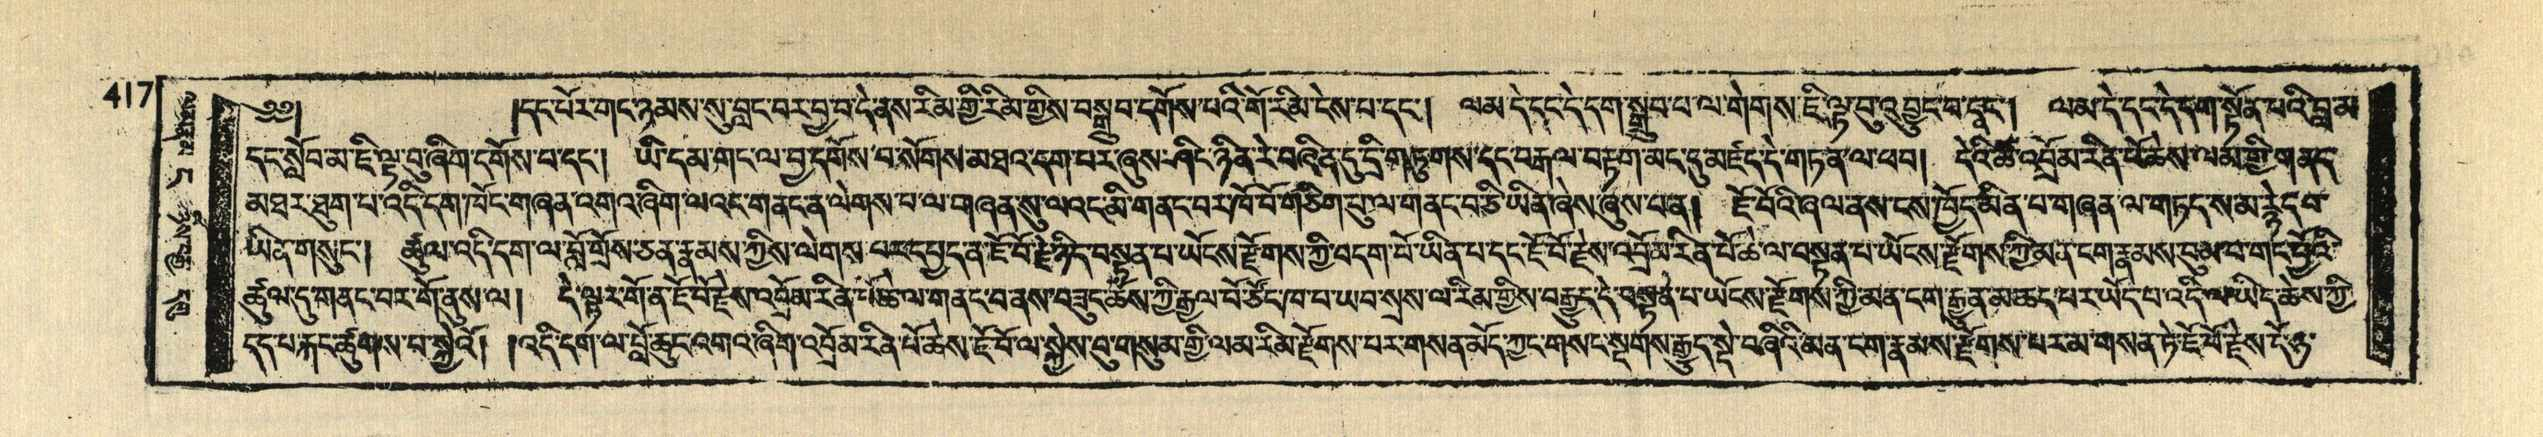༄༅། །དང་པོར་གང་ཉམས་སུ་བླང་བར་བྱ་བ་དེ་ནས་རིམ་གྱི་རིམ་གྱིས་བསྒྲུབ་དགོས་པའི་གོ་རིམ་ངེས་པ་དང་། ལམ་དེ་དང་དེ་དག་སྒྲུབ་པ་ལ་གེགས་ཇི་ལྟ་བུ་འབྱུང་བ་དང་། ལམ་དེ་དང་དེ་དག་སྟོན་པའི་བླ་མ་
དང་སློབ་མ་ཇི་ལྟ་བུ་ཞིག་དགོས་པ་དང་། ཡི་དམ་གང་ལ་བྱ་དགོས་བ་སོགས་མཐའ་དག་བར་ཞུས་ཤིང་ཉིན་རེ་བཞིན་དུ་དྲི་གཏུགས་དང་བརྒལ་བརྟག་མང་དུ་མཛད་དེ་གཏན་ལ་ཕབ། དེའི་ཚེ་འབྲོམ་རིན་པོ་ཆེས་ལམ་གྱི་གནད་
མཐར་ཐུག་པ་འདི་དག་ཁོང་གཞན་འགའ་ཞིག་ལའང་གནང་ན་ལེགས་པ་ལ་གཞན་སུ་ལའང་མི་གནང་བར་ཁོ་བོ་གཅིག་པུ་ལ་གནང་བ་ཅི་ཡིན་ཞེས་ཞུས་པ་ན། ཇོ་བོའི་ཞལ་ནས་ངས་ཁྱོད་མིན་པ་གཞན་ལ་གཏད་ས་མ་རྙེད་བ་
ཡིན་གསུང་། ཚུལ་འདི་དག་ལ་བློ་གྲོས་ཅན་རྣམས་ཀྱིས་ལེགས་པར་དཔྱད་ན་ཇོ་བོ་རྗེ་ཉིད་བསྟན་པ་ཡོངས་རྫོགས་ཀྱི་བདག་པོ་ཡིན་པ་དང་ཇོ་བོ་རྗེས་འབྲོམ་རིན་པོ་ཆེ་ལ་བསྟན་པ་ཡོངས་རྫོགས་ཀྱི་མན་ངག་རྣམས་བུམ་བ་གང་བྱོའི་
ཚུལ་དུ་གནང་བར་གོ་ནུས་ལ། དེ་ལྟར་གོ་ན་ཇོ་བོ་རྗེས་འབྲོམ་རིན་པོ་ཆེ་ལ་གནང་བ་ནས་བཟུང་ཆོས་ཀྱི་རྒྱལ་བོ་ཙོང་ཁ་པ་ཡབ་སྲས་ལ་རིམ་གྱིས་བརྒྱུད་དེ་བསྟན་པ་ཡོངས་རྫོགས་ཀྱི་མན་ངག་རྒྱུན་མཆད་པར་ཡོད་པ་འདི་ལ་ཡིད་ཆེས་ཀྱི་
དད་པ་རྐང་ཚུགས་པ་སྐྱེའོ། །འདི་དག་ལ་བློ་ཆུང་འགའ་ཞིག་འབྲོམ་རིན་པོ་ཆེས་ཇོ་བོ་ལ་སྐྱེས་བུ་གསུམ་གྱི་ལམ་རིམ་རྫོགས་པར་གསན་མོད་ཀྱང་གསང་སྔགས་རྒྱུད་སྡེ་བཞིའི་མན་ངག་རྣམས་རྫོགས་པར་མ་གསན་ཏེ་ཇོ་བོ་རྗེས་དོ་ཉ་